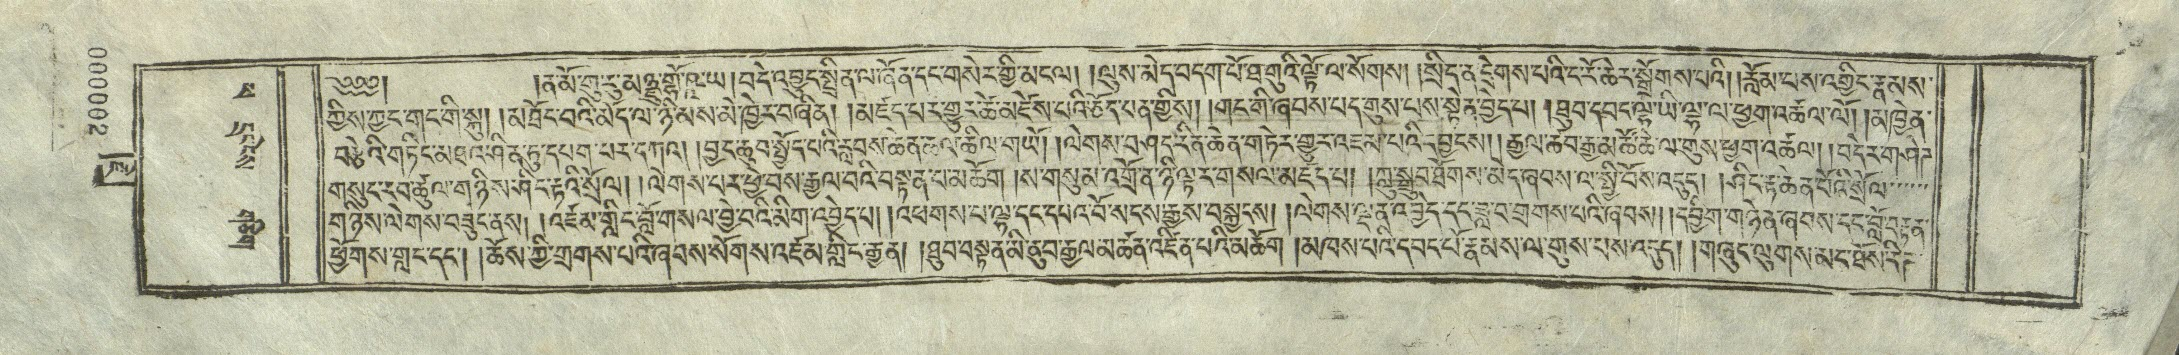༄༅༅། །ན་མོ་གུ་རུ་མཉྫུ་གྷོ་ཥཱ་ཡ། བདེ་འབྱུང་སྤྲིན་ལ་ཞོན་དང་གསེར་གྱི་མངལ། །ལུས་མེད་བདག་པོ་ཐ་གུའི་ལྟོ་ལ་སོགས། །སྲིད་ན་དྲེགས་པའི་ང་རོ་ཆེར་སྐྲོགས་པའི། །རློམ་པས་འགྱིད་རྣམས་
ཀྱིས་ཀྱང་གང་གི་སྐུ། །མཐོང་བའི་མོད་ལ་ཉི་མས་མེ་ཁྱེར་བཞིན། །མཛད་པར་གྱུར་ཚེ་མཛེས་པའི་ཅོད་པན་གྱིས། །གང་གི་ཞབས་པད་གུས་པས་སྟེན་བྱེད་པ། །ཐུབ་དབང་ལྷ་ཡི་ལྷ་ལ་ཕྱག་འཚལ་ལོ། །མཁྱེན་
མྲྩེའི་གཏིང་མཐའ་ཤིན་ཏུ་དཔག་པར་དཀྭའ། །བྱང་ཆུབ་སྤྱོད་པའི་རླབས་ཆེན་ཆལ་ཆིལ་གཡོ། །ལེགས་བཤད་རིན་ཆེན་གཏེར་གྱུར་འཇམ་པའི་དབྱངས། །རྒྱལ་ཚབ་རྒྱ་མཚོ་ཆེ་ལ་གུས་ཕྱག་འཚལ། །བདེར་གཤེགས་
གསུང་རབ་ཚུལ་གཉིས་ཤིང་རྟའི་སྲོལ། །ལེགས་པར་ཕྱེ་བས་རྒྱལ་བའི་བསྟན་པ་མཆོག །ས་གསུམ་འགྲོ་ན་ཉི་ལྟར་གསལ་མཛད་པ། །ཀླུ་སྒྲུབ་ཐོགས་མེད་ཞབས་ལ་སྤྱི་བོས་འདུད། །ཤིང་རྟ་ཆེན་པོའི་སྲོལ་
གཉིས་ལེགས་བཟུང་ནས། །འཛམ་གླིང་བློ་གསལ་བྱེ་བའི་མིག་འབྱེད་པ། །འཕགས་པ་ལྷ་དང་དཔའ་བོ་སངས་རྒྱས་བསྐྱངས། །ལེགས་ལྡན་འབྱེད་དང་ཟླ་བ་གྲགས་པའི་ཞབས། །དབྱིག་གཉེན་ཞབས་དང་བློ་བརྟན་
ཕྱོགས་གླང་དང་། །ཆོས་ཀྱི་གྲགས་པའི་ཞབས་སོགས་འཛམ་གླིང་རྒྱན། །ཐུབ་བསྟན་མི་ནུབ་རྒྱལ་མཚན་འཛིན་པའི་མཆོག །མཁས་པའི་དབང་པོ་རྣམས་ལ་གུས་པས་འདུད། །གཞུང་ལུགས་མང་ཐོས་རིགས་